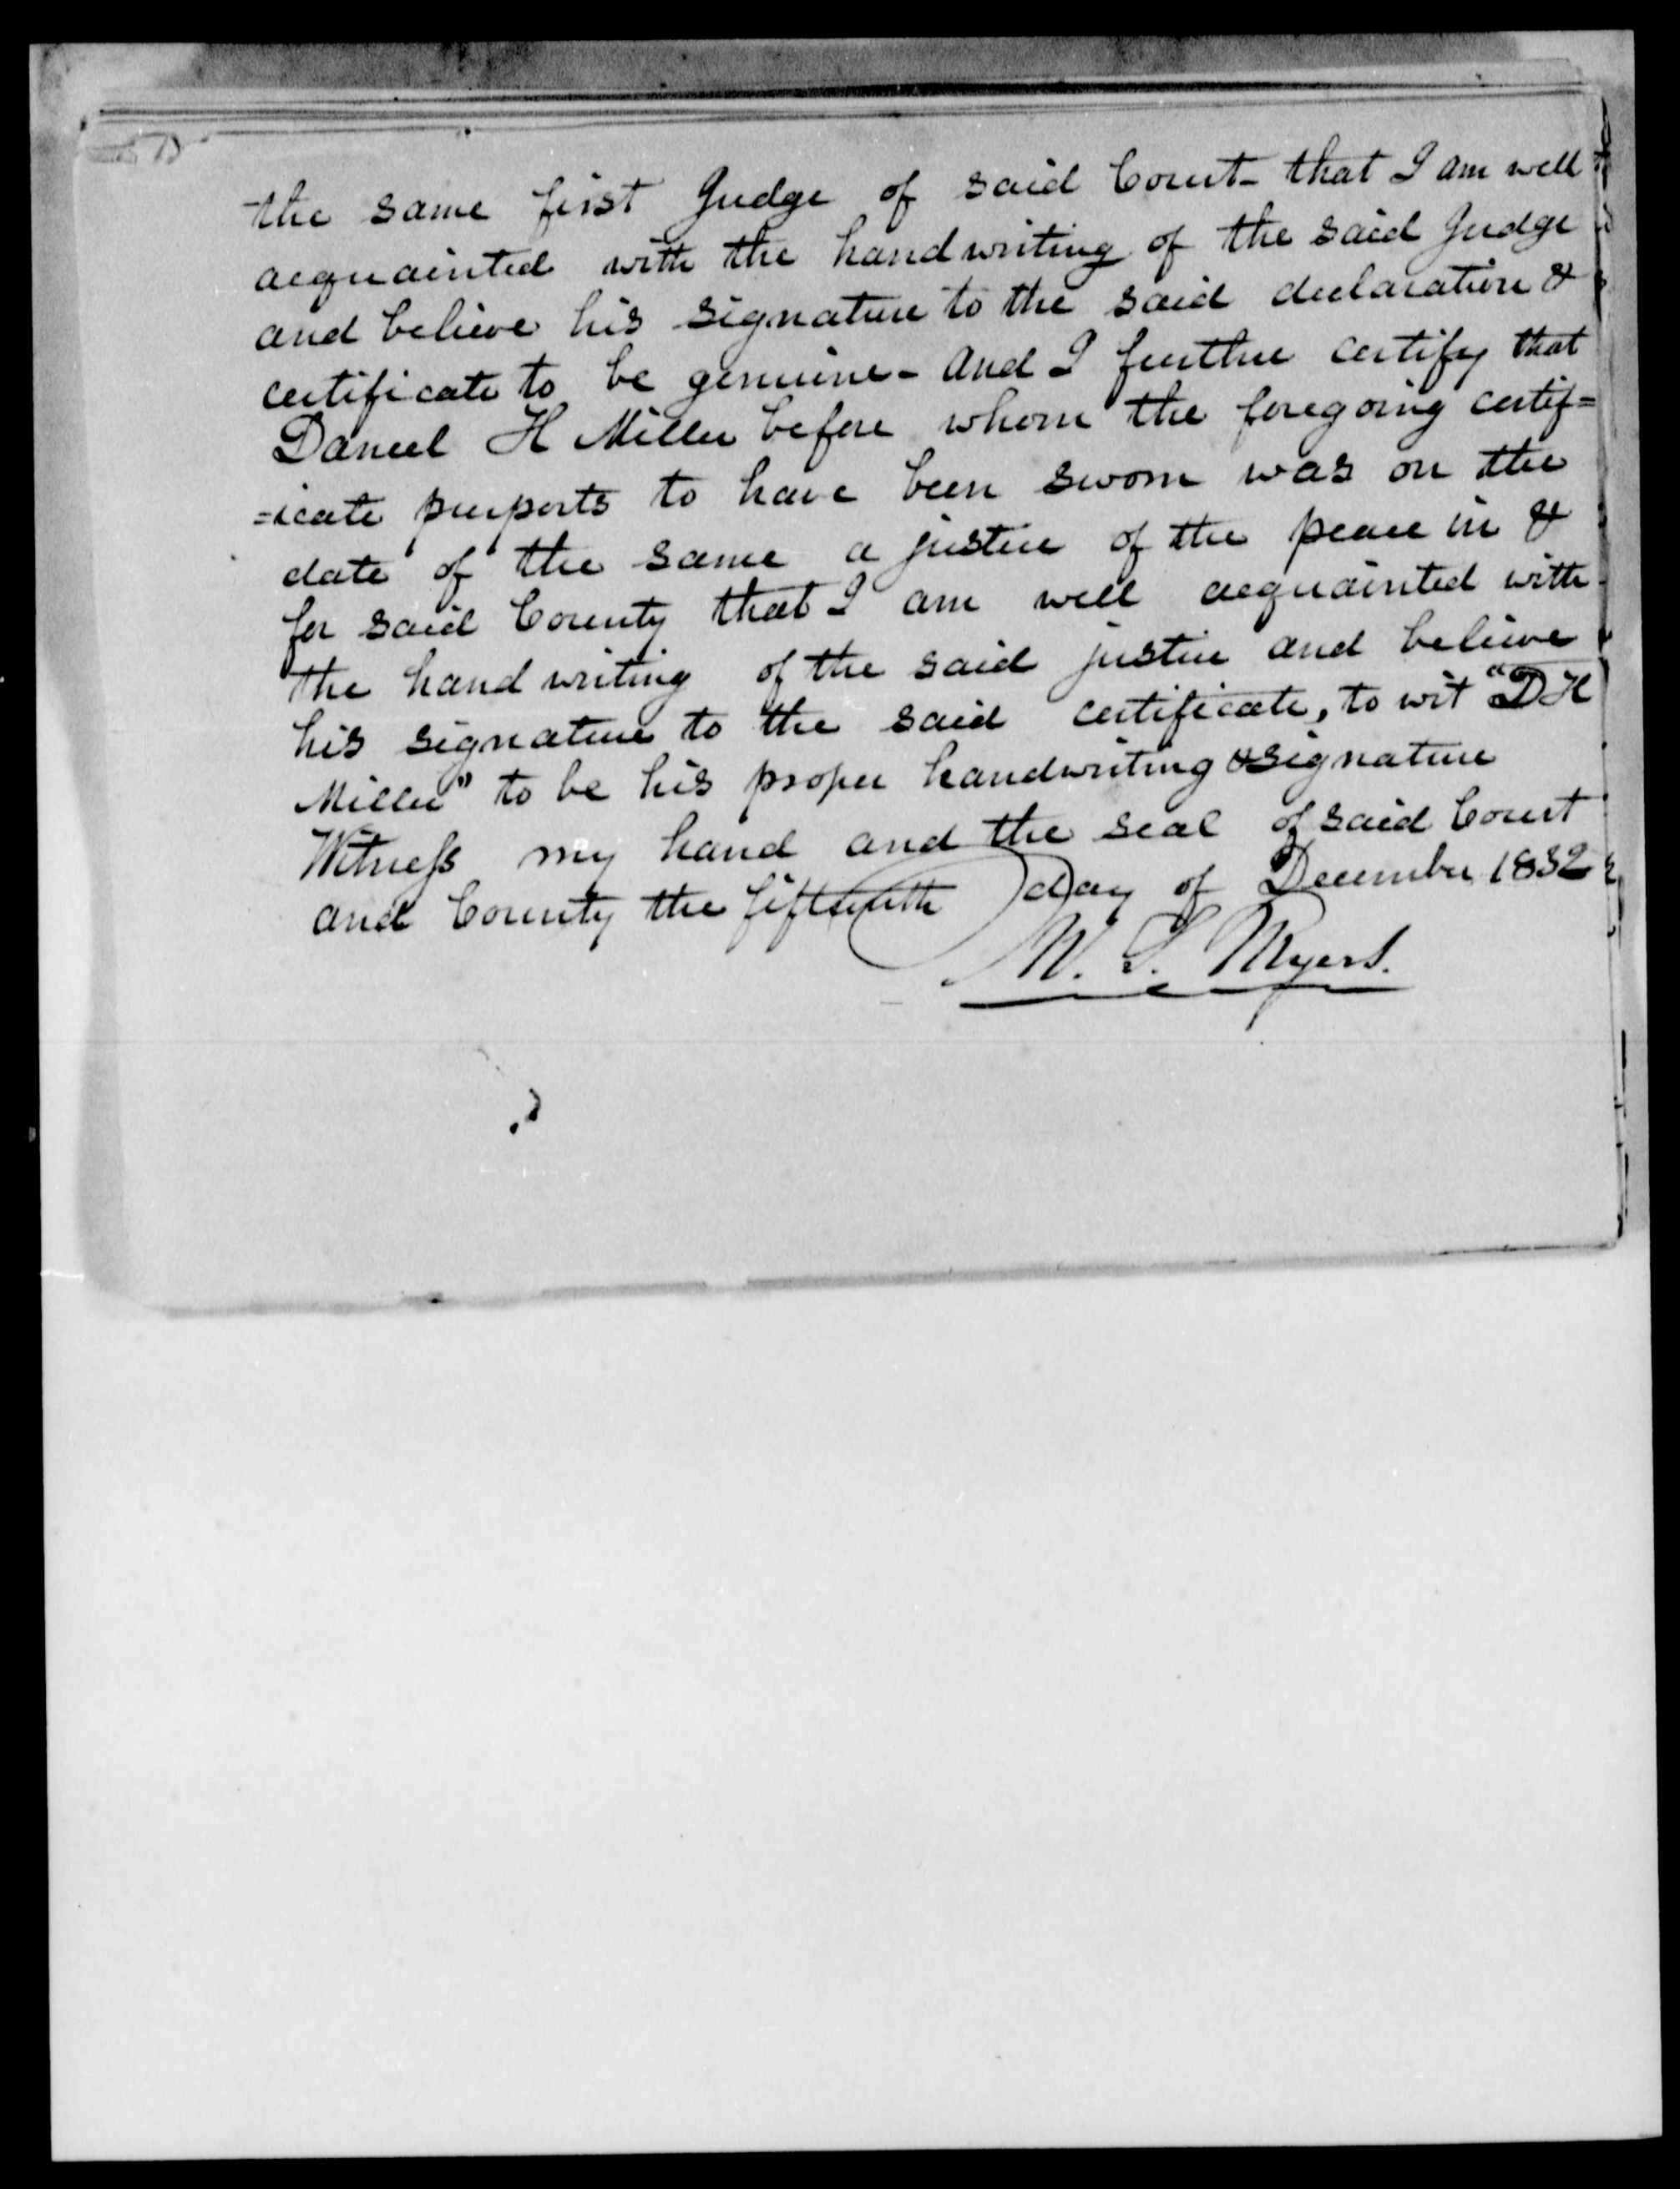the same first Judge of said Court. That I am well acquainted with the handwriting of the said Judge and believe his signature to the said declaration & certificate to be genuine. And I further certify that Daniel H. Miller before whom the foregoing certificate purports to have been sworn was on the date of the same a justice of the peace in & for said County. that I am well acquainted with the hand writing of the said justice and believe his signature to the said certificate , to with, "D. H. Miller" to be his proper handwriting & signature. 
Witness my hand and the seal of said Court and County the fifteenth day of December 1832.
M. S. Myers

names: W S Myers, Daneel H Miller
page: 13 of 98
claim: widow's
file: W. 1682, Valentine Wheeler, Mass.